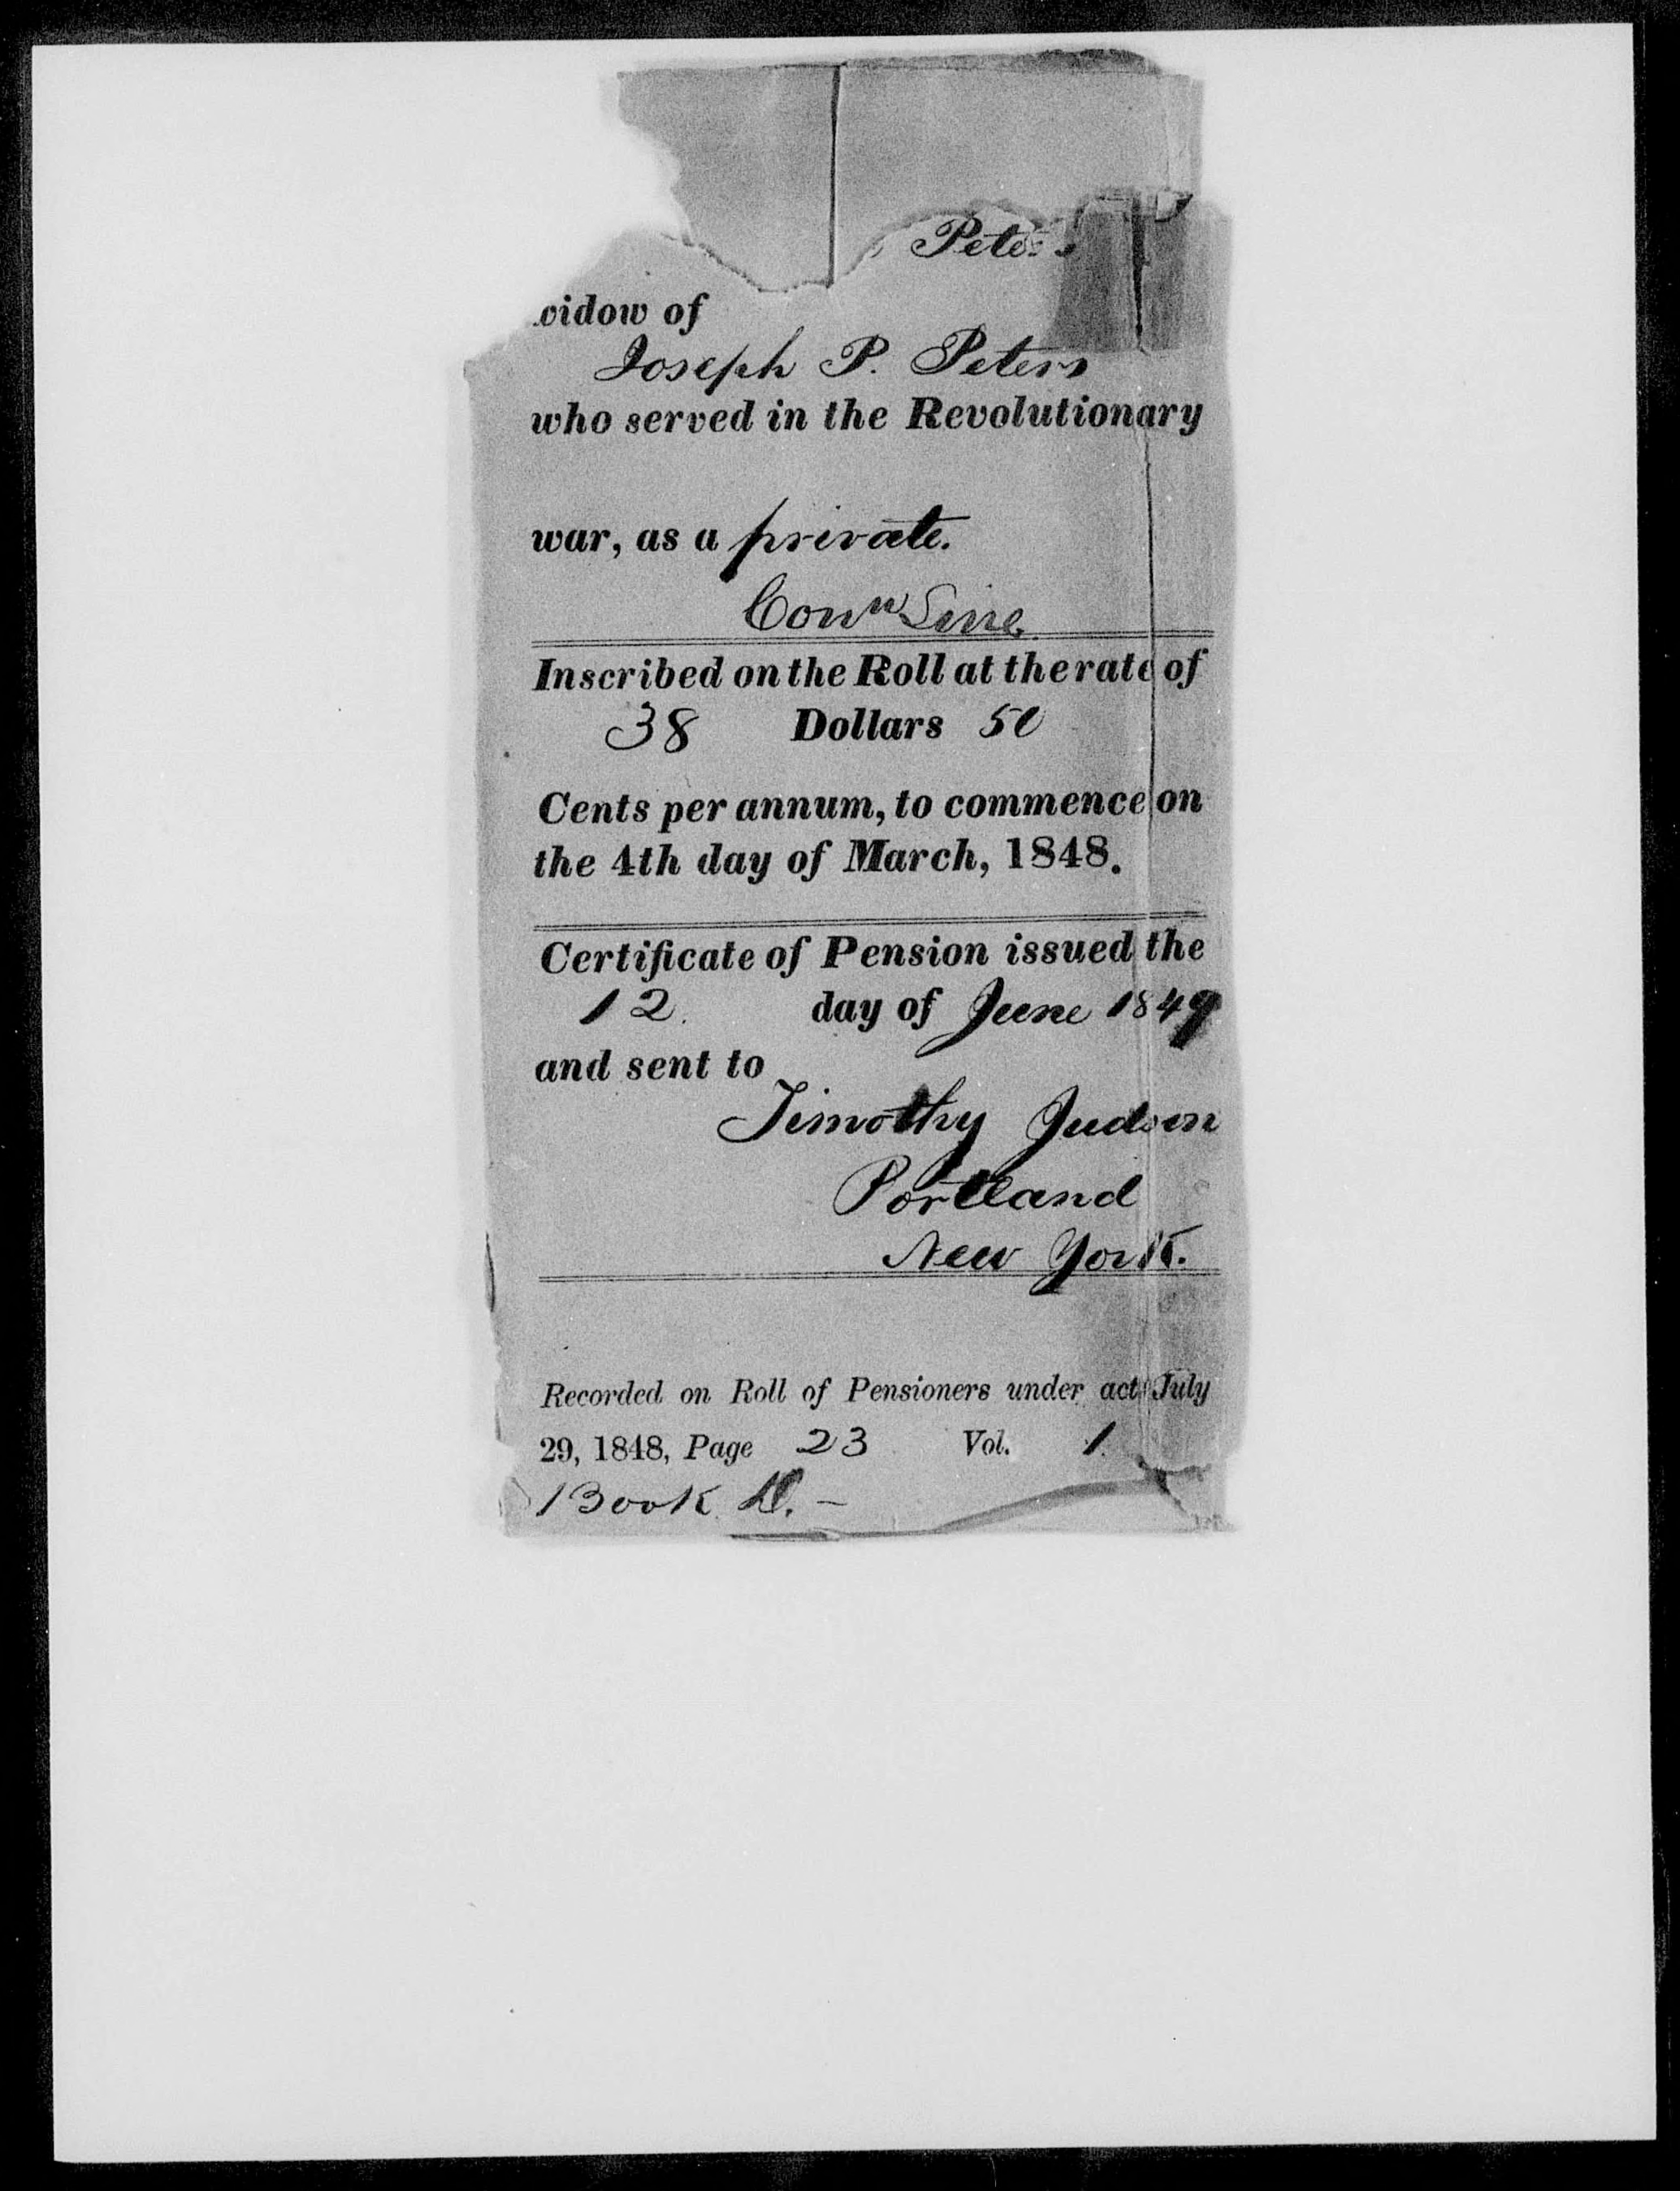Peters  
widow of Joseph P. Peters who served in the Revolutionary war, as a private. 
Conn Line  
Inscribed on the Roll at the rate 38 Dollars 50 Cents per annum, to commence on the 4th day of March, 1848.  
Certificate of Pension issued the day of June 1849 and sent to  Timothy Judson Portland New York 
Recorded on Roll of Pensioners under act July 29, 1848, Page 23 Book D. Vol.  1 Book D.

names: Joseph P Peters; Timothy Judson; [BLANK] Peters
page: 38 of 73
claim: widow's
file: W. 2338, for Joseph P Peters, Connecticut